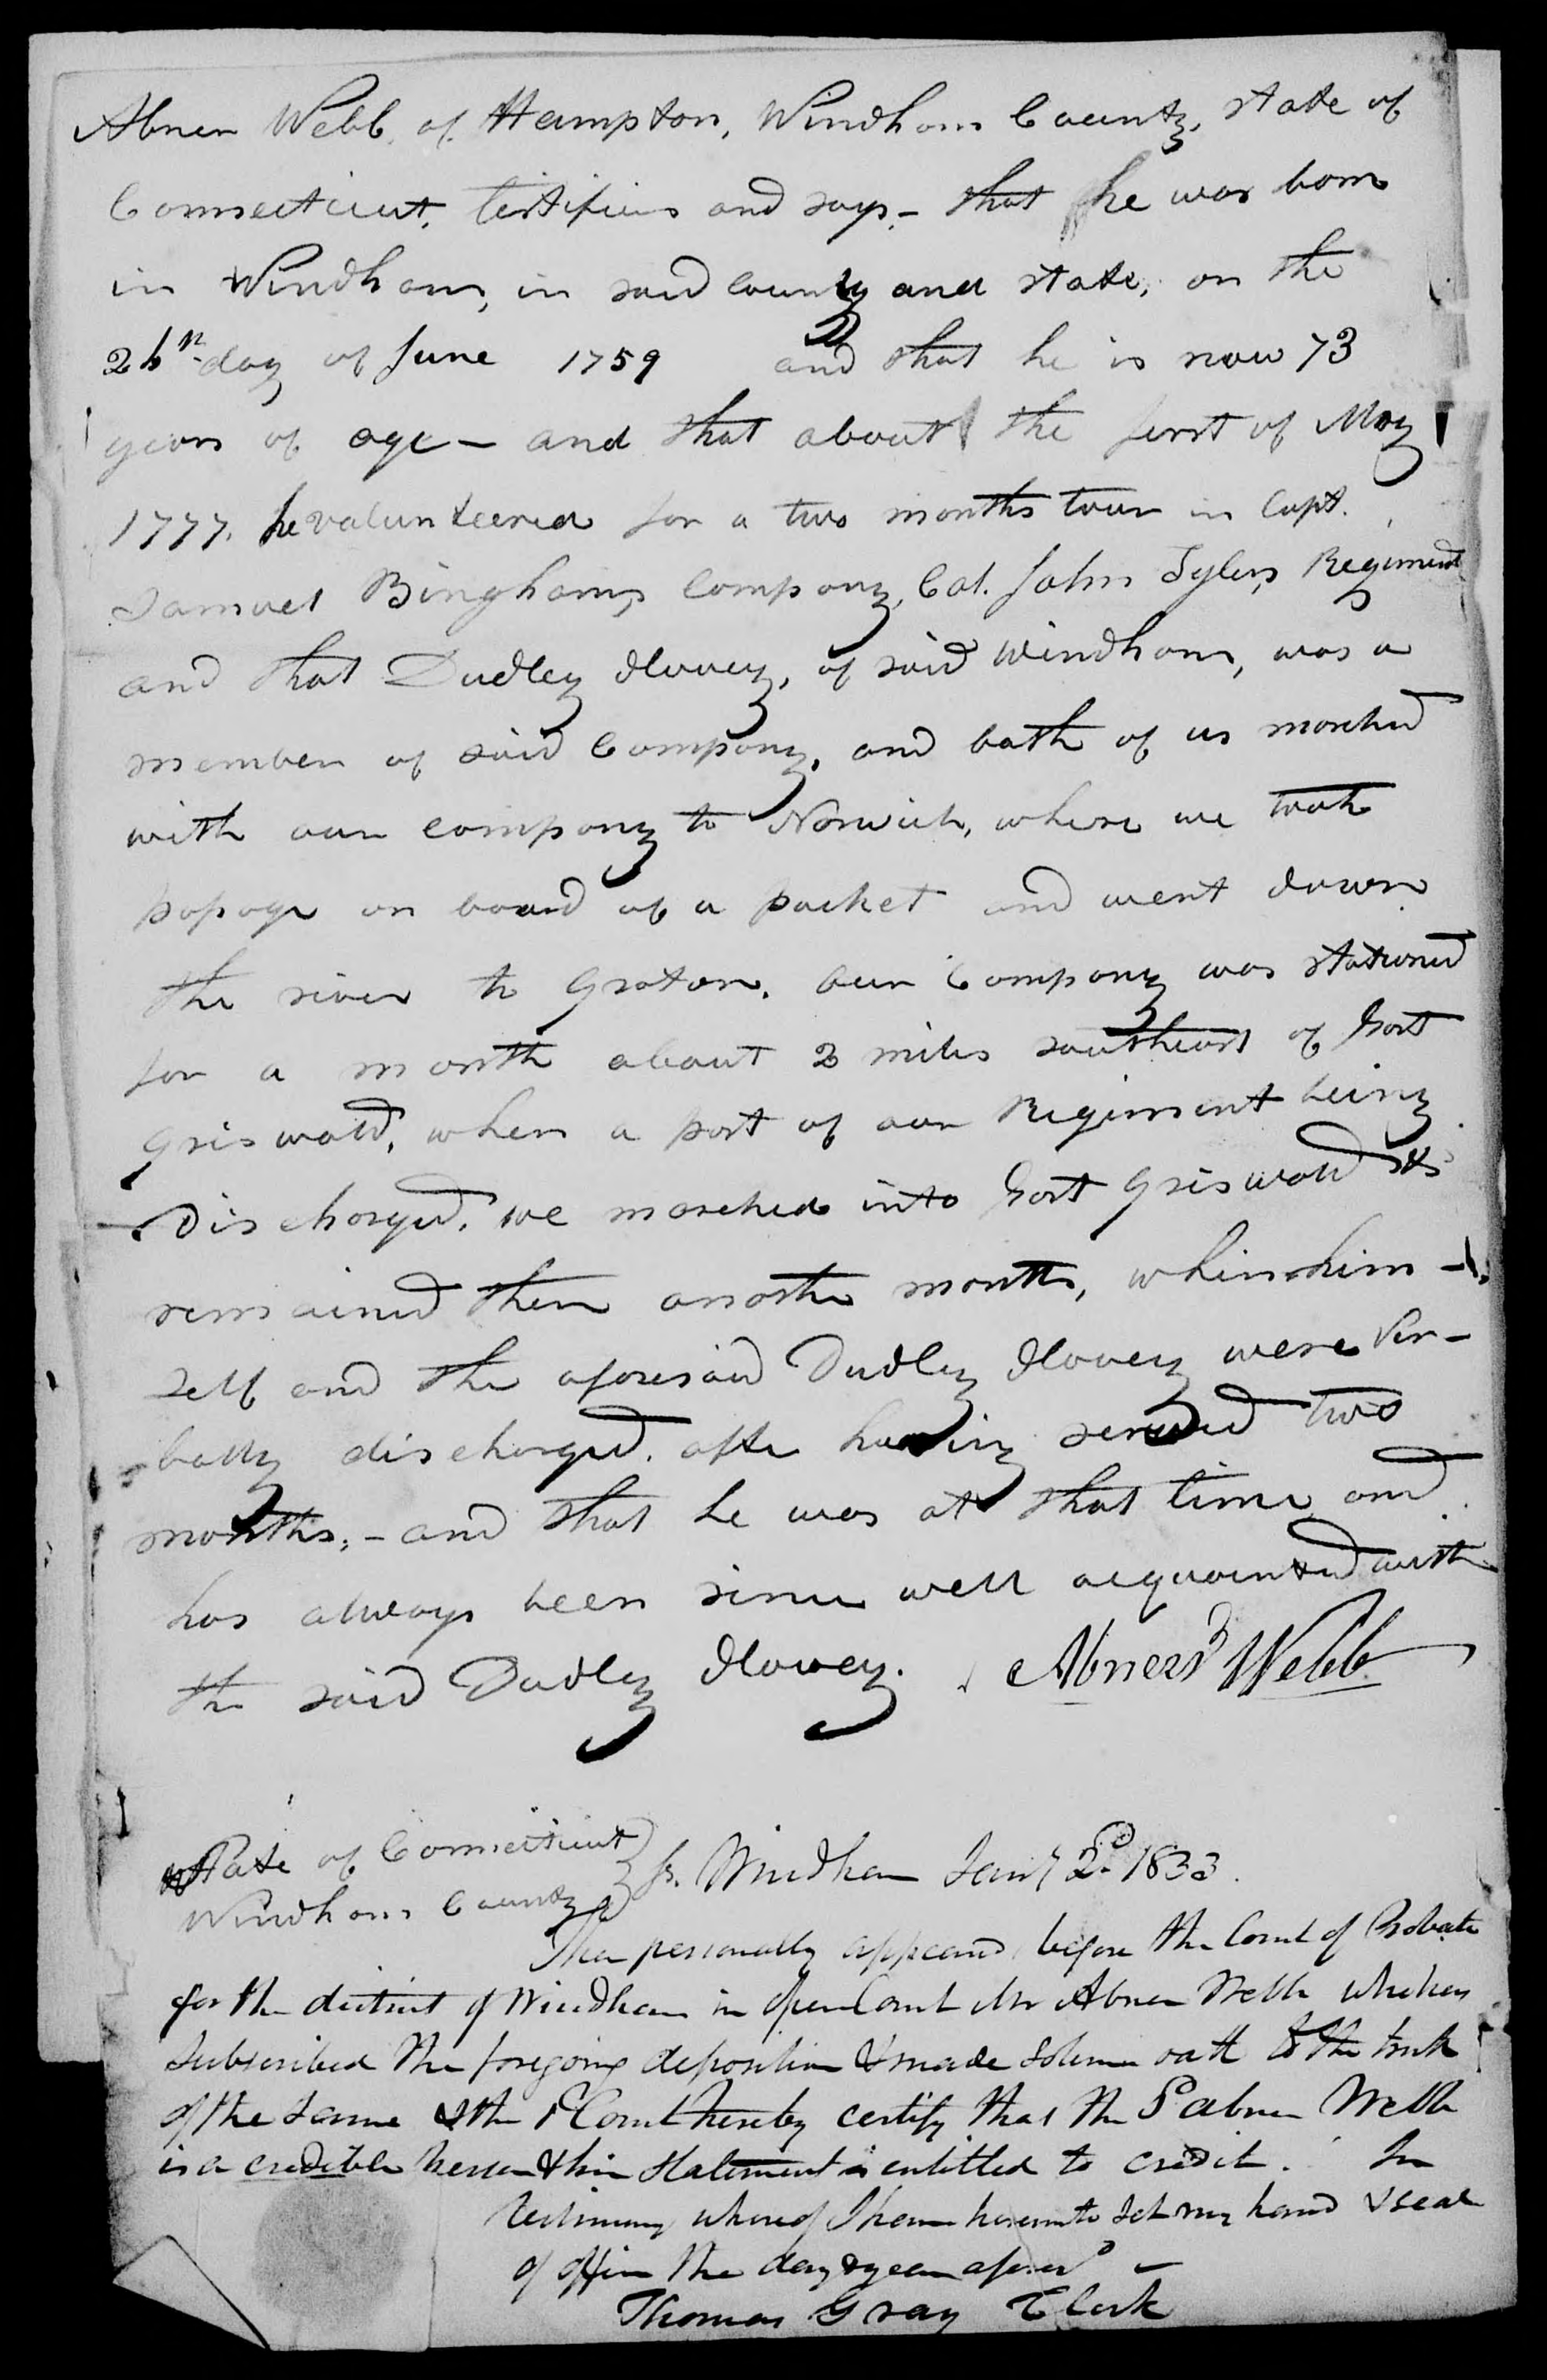Abner Webb of Hampton, Windham county state of Connecticut  testifies and says - that he was born in Windham, in said county and state on the 21st day of June 1759 and state he is now 73 years of age - and that about the first of May 1777 he volunteered for a two month tour in Capt Samuel Bingham company Col John Tyler Regiment and that Dudley Hovey of said Windham was a member of said company, and both of us marches with our company to Norwich where we both ILLEGIBLE on board of a packet and went down the river to Graton for 6 months was stationed for a month about 3 miles southern of Fort Griswald. When a part of our regiment discharged. We marched into Fort Griswald & remained there another month, windham myself and the aforesaid Dudley Hovey were verbally discharged after Hovey served two months - and that he was at that time and has always been since well aquainted with the said Dudley Hovey Abner Webb
State of Connecticut Windham COunty } S WIndham ILLEGIBLE 2 1833
This personally ILLEGIBLE before the Court of  ILLEGIBLE for the district of Windham in open court as Abner Webb who  he subscribed the foregoing deposition & made solemn oath to the truth of the same oath and hereby certify that the Abner Webb in a ILLEGIBLE hence - this ILLEGIBLE entitled to ILLEGBLE For testimony where of there hereby ILLEGIBLE the day LLEGIBLE after Thoma Gnay Clark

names: Abner Webb, Thomas Gray, Dudley Hovey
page: 9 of 13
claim: survivor's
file: S. 18451, Dudley Hovey, Conn.